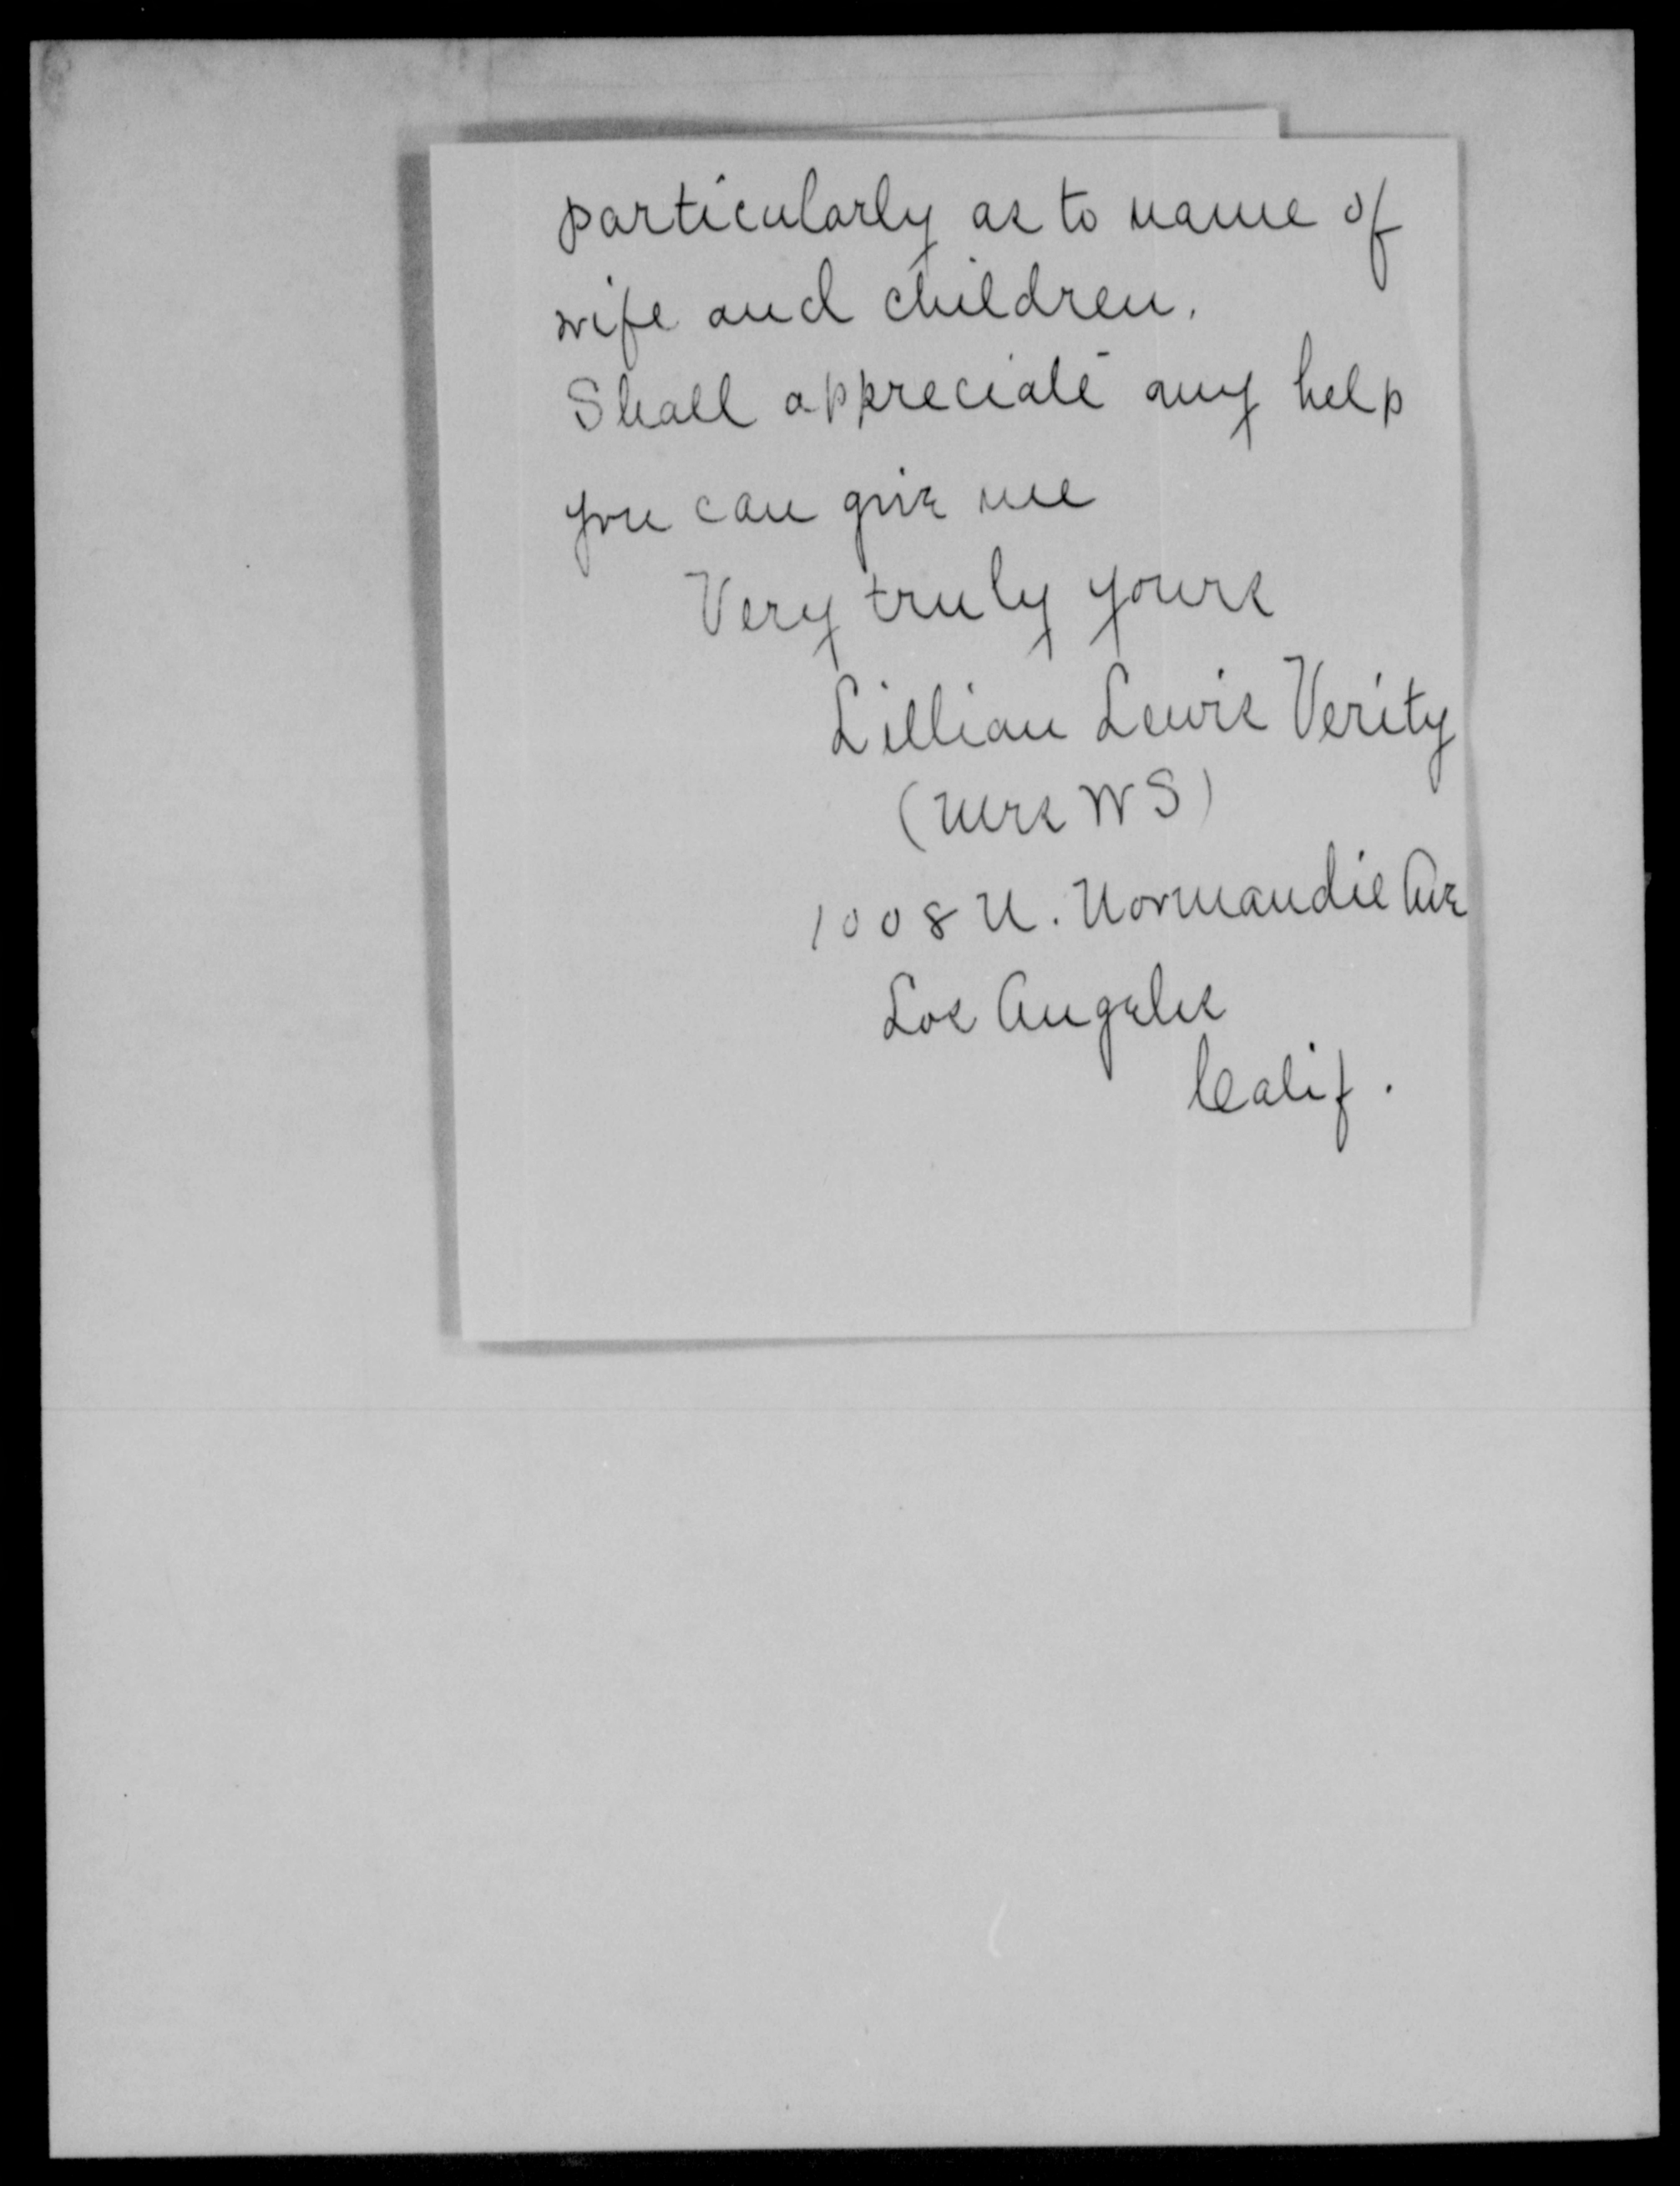particularly as to name of wife and children.

Shall appreciate any help you can give me.

Very truly yours

Lillian Lewis Verity (Mrs WS)

1008 N. Normandie Ave
Los Angeles
Calif.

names: W S Verity, Lillian Lewis Verity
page: 42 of 63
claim: widow's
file: W. 18403, David White, Conn.